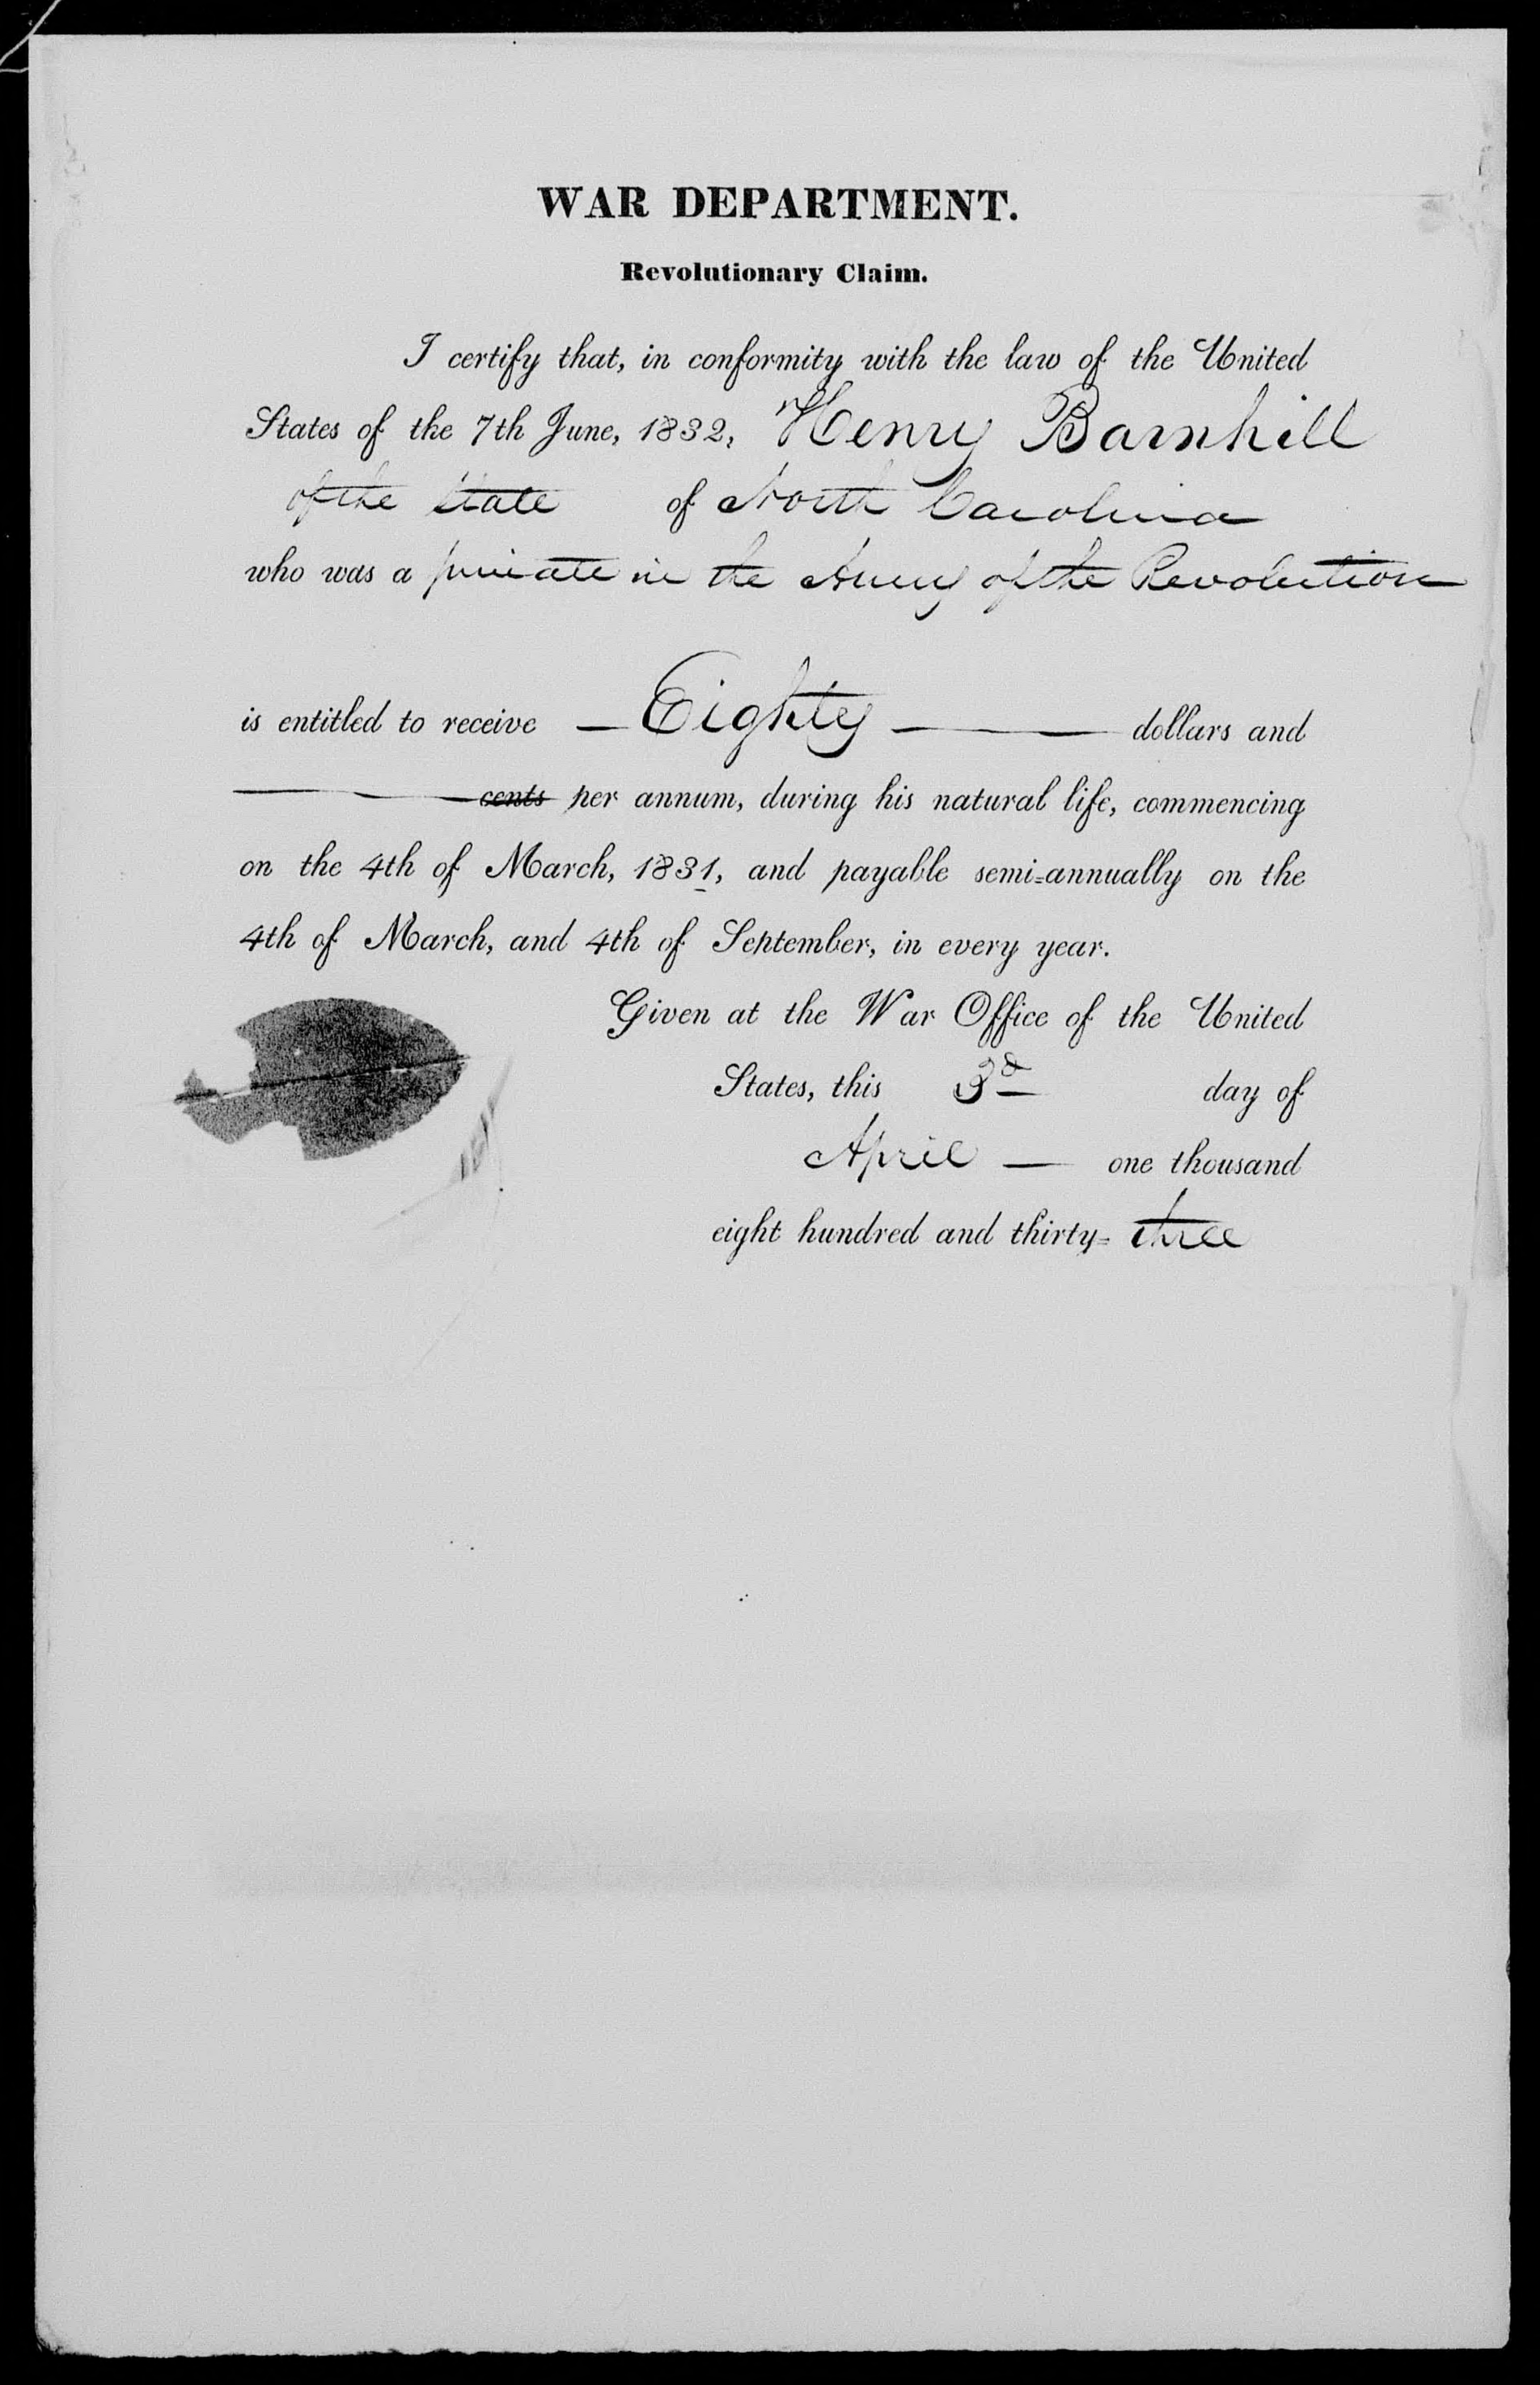WAR DEPARTMENT.
Revolutionary Claim.

I certify that, in conformity with the law of the United States of the 7th June 1832, Henry Barnhill of the state of North Carolina who was a private in the Army of the Revolution is entitled to receive -Eighty---- dollars and -- cents per annum, during his natural life, commencing on the 4th of March, 1831, and payable semi=annually on the 4th of March, and 4th of September, in every year.

[seal] Given at the War Office of the United States, this 3d day of April - one thousand eight hundred and thirty=three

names: Henry Barnhill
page: 34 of 42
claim: survivor's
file: S. 6579, Henry Barnhill, N. C.